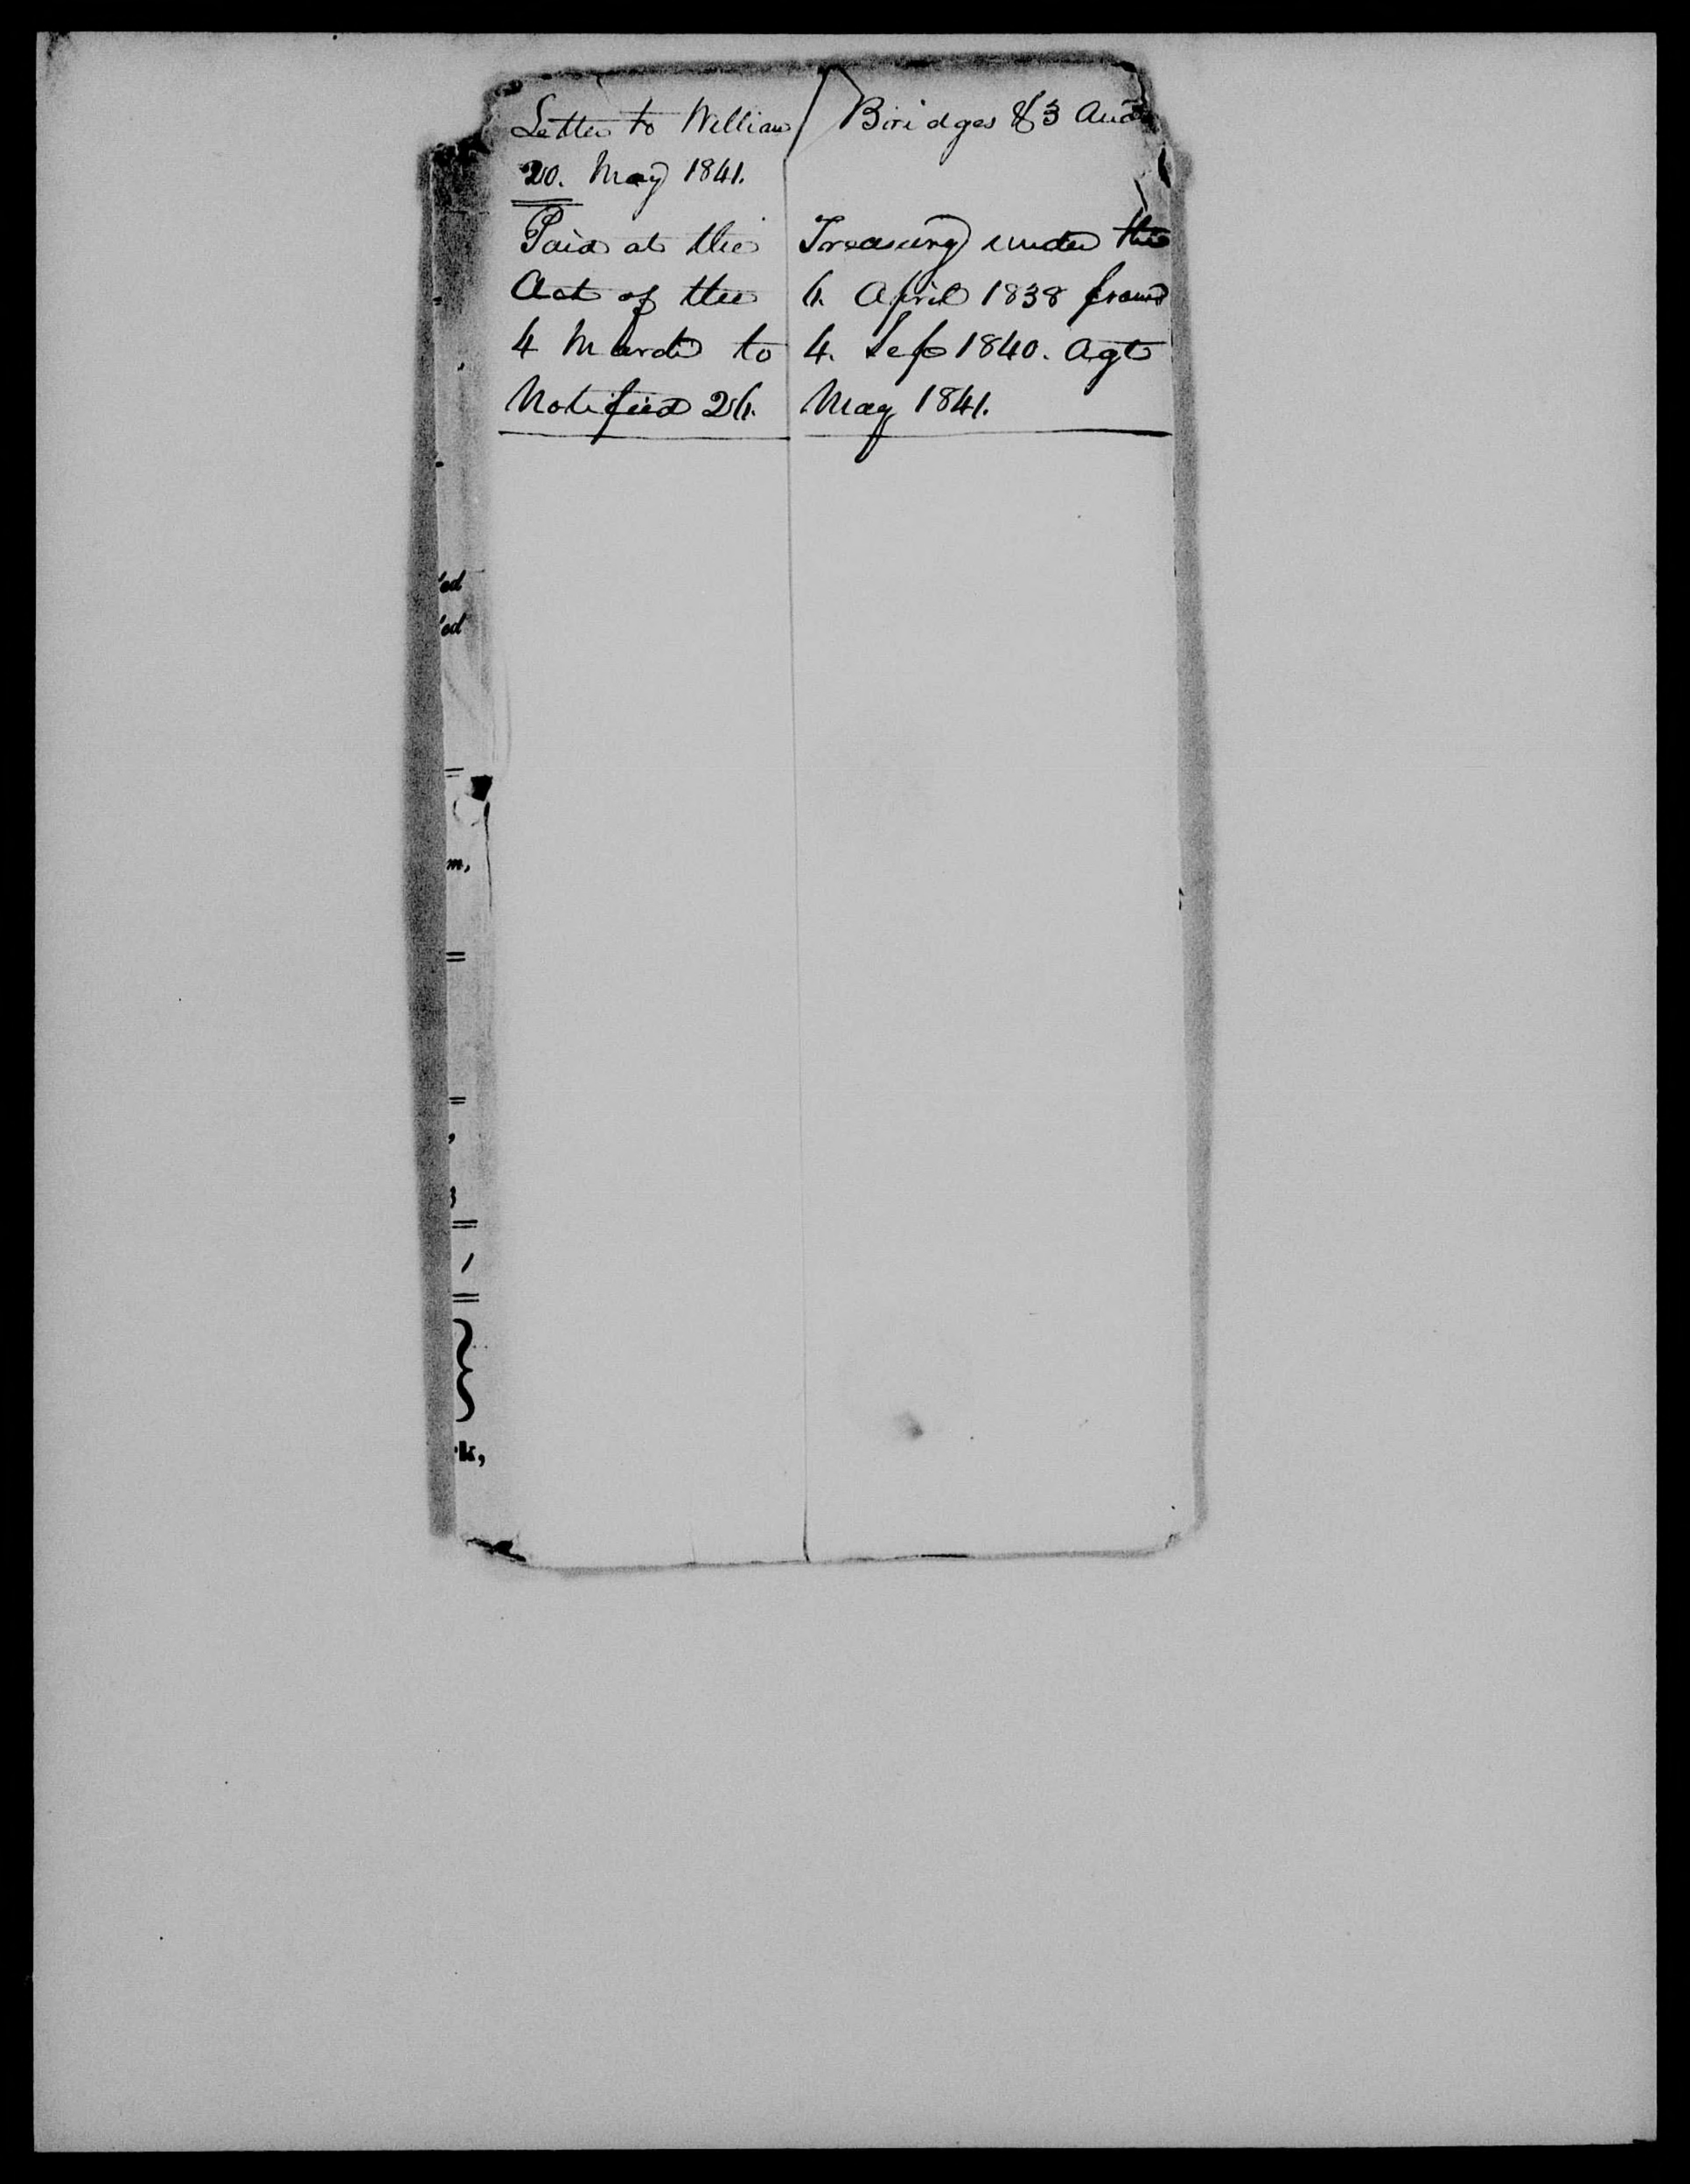Letter to William Bridges & 3 Aud. 20 May 1841
Paid at the Treasury under the Act of the 6 April 1838 from 4 March to 4 Sept. 1840 Agt. notified 26 May 1841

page: 39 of 41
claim: widow's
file: W 26507, for Church Tabor, Massachusetts